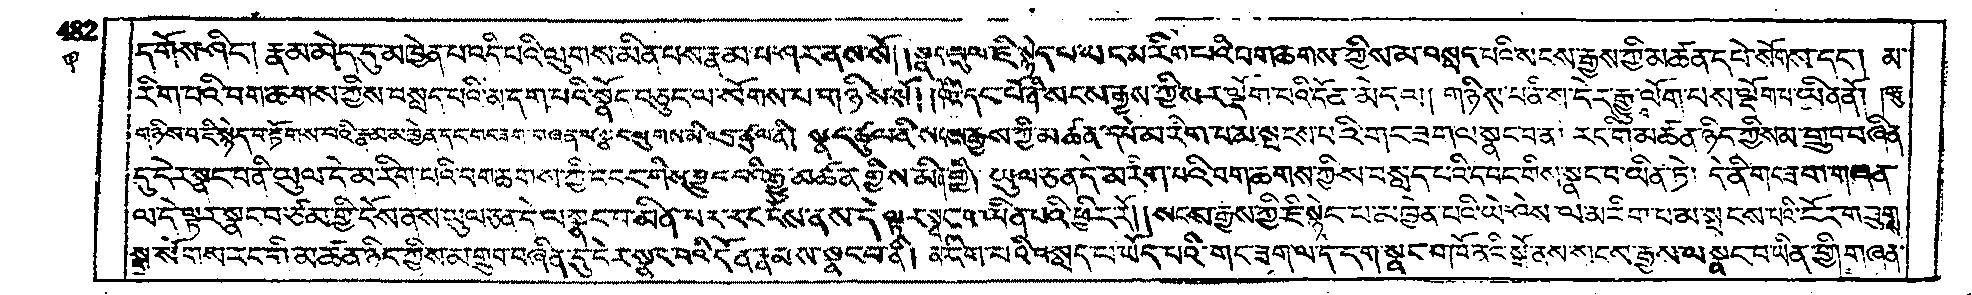དགོས་ཤིང་། རྣམ་མེད་དུ་མཁྱེན་པ་འདི་པའི་ལུགས་མིན་པས་རྣམ་པ་ཤར་ནས་སོ། །སྣང་ཡུལ་ཇི་སྙེད་པ་ཡང་མ་རིག་པའི་བག་ཆགས་ཀྱིས་མ་བསླད་པའི་སངས་རྒྱས་ཀྱི་མཚན་དཔེ་སོགས་དང་། མ་
རིག་པའི་བག་ཆགས་ཀྱིས་བསླད་པའི་མ་དག་པའི་སྣོད་བཅུང་ལ་སོགས་པ་གཉིས་སོ། །དེའི་དང་པོ་ནི་སངས་རྒྱས་ཀྱི་སར་ལྡོག་པའི་དོན་མེད་ལ། གཉིས་པ་ནི་ས་དེར་རྒྱུ་ལོག་པས་ལྡོག་པ་ཡིན་ནོ། །བཅུ་
གཉིས་པ་ཇི་སྙེད་པ་རྟོགས་པའི་རྣམ་མཁྱེན་དང་གང་ཟག་གཞན་ལ་སྣང་ལུགས་མི་འདྲ་ཚུལ་ནི། སྣད་ཚུལ་ནི་སངས་རྒྱས་ཀྱི་མཚན་དཔེ་མ་རིག་པ་མ་སྤངས་པའི་གང་ཟག་ལ་སྣང་བ་ན། རང་གི་མཚན་ཉིད་ཀྱིས་མ་གྲུབ་བཞིན་
དུ་དེར་སྣང་བ་ནི་ཡུལ་དེ་མ་རིག་པའི་བག་ཆགས་ཀྱི་དབང་གིས་བྱུང་བའི་རྒྱུ་མཚན་གྱིས་མིན་གྱི། ཡུལ་ཅན་དེ་མ་རིག་པའི་བག་ཆགས་ཀྱིས་བསླད་པའི་དབང་གིས་སྣང་བ་ཡིན་ཏེ། དེ་ནི་གང་ཟག་གཞན་
ལ་དེ་ལྟར་སྣང་བ་ཙམ་གྱི་ངོས་ནས་ཡུལ་ཅན་དེ་ལ་སྣང་བ་མིན་པར་རང་ངོས་ནས་དེ་ལྟར་སྣང་བ་ཡིན་པའི་ཕྱིར་རོ། །སངས་རྒྱས་ཀྱི་ཇི་སྙེད་པ་མཁྱེན་པའི་ཡེ་ཤེས་ལ་མ་རིག་པ་མ་སྤངས་པའི་ངོར་གཟུགས་
སྒྲ་སོགས་རང་གི་མཚན་ཉིད་ཀྱིས་མ་གྲུབ་བཞིན་དུ་དེར་སྣང་བའི་དོན་རྣམས་སྣང་བ་ནི། མ་རིག་པའི་བསླད་པ་ཡོད་པའི་གང་ཟག་ལ་དེ་དག་སྣང་བ་ཁོ་ནའི་སྒོ་ནས་སངས་རྒྱས་ལ་སྣང་བ་ཡིན་གྱི། གཞན་